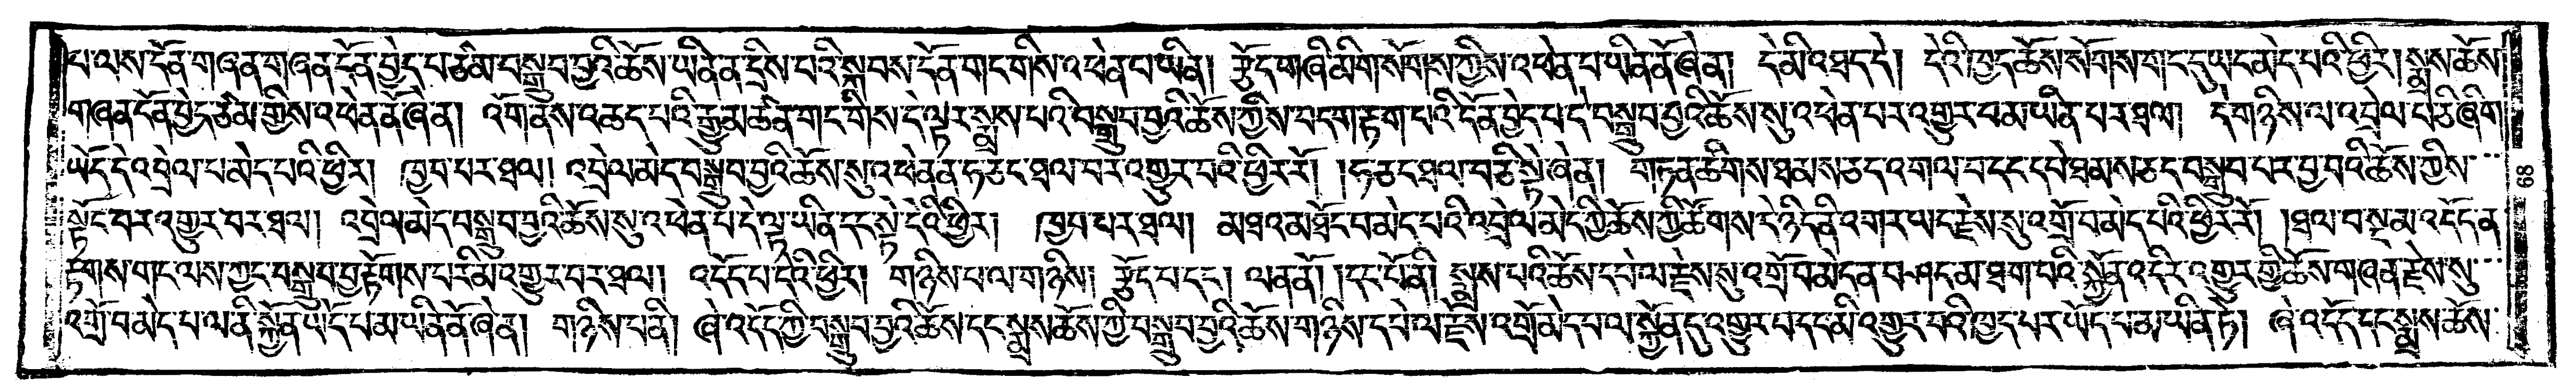པ་ལས་དོན་གཞན་གཞན་དོན་བྱེད་པ་ཙམ་བསྒྲུབ་བྱའི་ཆོས་ཡིན་ན་དྲིས་པའི་སྐབས་དོན་གང་གིས་འཕེན་པ་ཡིན། རྩོད་གཞི་མིག་སོགས་ཀྱིས་འཕེན་པ་ཡིན་ནོ་ཞེ་ན། དེ་མི་འཐད་དེ། དེའི་ཁྱད་ཆོས་སོགས་གང་དུ་ཡང་མེད་པའི་ཕྱིར། སྨྲས་ཆོས་
གཞན་དོན་བྱེད་ཙམ་གྱིས་འཕེན་ནོ་ཞེ་ན། འོག་ནས་འཆད་པའི་རྒྱུ་མཚན་གང་གིས་དེ་ལྟར་སྨྲས་པའི་བསྒྲུབ་བྱའི་ཆོས་ཀྱིས་བདག་རྟག་པའི་དོན་བྱེད་པ་དེ་བསྒྲུབ་བྱའི་ཆོས་སུ་འཕེན་པར་འགྱུར་བ་མ་ཡིན་པར་ཐལ། དེ་གཉིས་ལ་འབྲེལ་བ་ཅི་ཞིག་
ཡོད་དེ་འབྲེལ་པ་མེད་པའི་ཕྱིར། ཁྱབ་པར་ཐལ། འབྲེལ་མེད་བསྒྲུབ་བྱའི་ཆོས་སུ་འཕེན་ན་ཧ་ཅང་ཐལ་བར་འགྱུར་བའི་ཕྱིར་རོ། །ཧ་ཆང་ཐལ་བཅི་སྟེ་ཞེ་ན། གཏན་ཚིགས་ཐམས་ཅད་འགལ་བ་དང་དཔེ་ཐམས་ཅད་བསྒྲུབ་པར་བྱ་བའི་ཆོས་ཀྱིས་
སྟོང་བར་འགྱུར་བར་ཐལ། འབྲེལ་མེད་བསྒྲུབ་བྱའི་ཆོས་སུ་འཕེན་པ་དེ་ལྟ་ཡིན་དང་སྟེ་དེའི་ཕྱིར། ཁྱབ་པར་ཐལ། མཐའ་མཐོང་བ་མེད་པའི་འབྲེལ་མེད་ཀྱི་ཆོས་ཀྱི་ཚོགས་དེ་ཉིད་ནི་འགར་ཡང་རྗེས་སུ་འགྲོ་བ་མེད་པའི་ཕྱིར། །ཐལ་བ་སྔ་མ་འདོད་ན་
རྟགས་གང་ལས་ཀྱང་བསྒྲུབ་བྱ་རྟོགས་པའི་མ་འགྱུར་བར་ཐལ། འདོད་པ་དེའི་ཕྱིར། གཉིས་པ་ལ་གཉིས། རྩོད་པ་དང་། ལན་ནོ། །དང་པོ་ནི། སྨྲས་པའི་ཆོས་དཔེ་ལ་རྗེས་སུ་འགྲོ་བ་མེད་ན་བཤང་མ་ཐག་པའི་སྐྱོན་འདིར་འགྱུར་གྱི་ཆོས་གཞན་རྗེས་སུ་
འགྲོ་བ་མེད་པ་ལ་ནི་སྐྱོན་ཡོད་པ་མ་ཡིན་ནོ་ཞེ་ན། གཉིས་པ་ནི། ཞེ་འདོད་ཀྱི་བསྒྲུབ་བྱའི་ཆོས་དང་སྨྲས་ཆོས་ཀྱི་བསྒྲུབ་བྱའི་ཆོས་གཉིས་དཔེ་ལ་རྗེས་འགྲོ་མེད་པ་ལ་སྐྱོན་དུ་འགྱུར་བ་དང་མི་འགྱུར་བའི་ཁྱད་པར་ཡོད་པ་མ་ཡིན་ཏེ། ཞེ་འདོད་དང་སྨྲས་ཆོས་